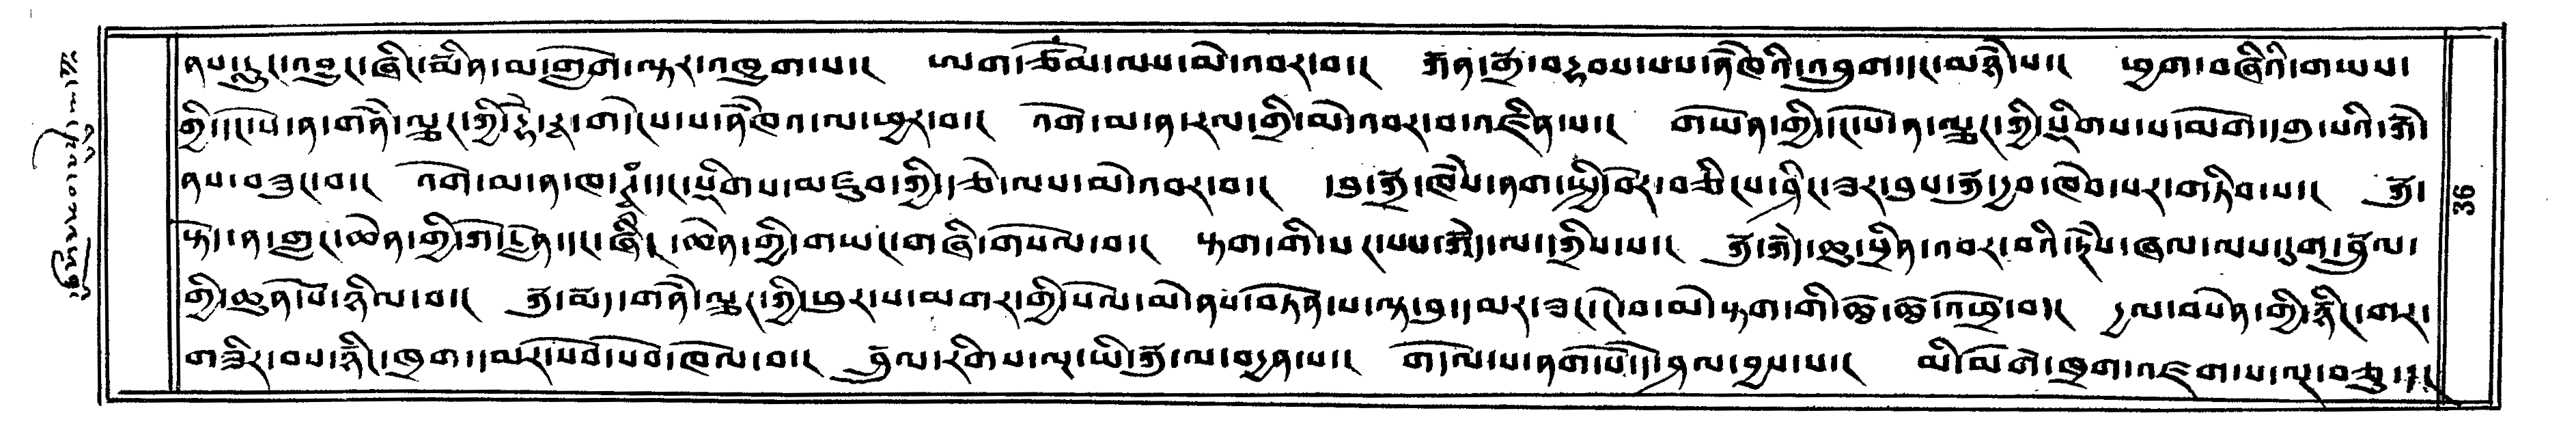ནས་རླུང་འབྱུང་ཞིང་སྨིན་མ་གློག་ལྟར་འཁྱུག་པ། ཨག་ཚོམ་ལས་མེ་འབར་བ། སྐན་སྒྲ་བརྡབས་པས་ནམ་མཁའི་འབྲུག་དང་མཉམ་པ། ཕྱག་བཞྀའི་གཡས་
གྱི་དང་པོ་ན་གནམ་ལྕགས་ཀྱི་རྡོ་རྗེ་རྭ་གདེངས་པ་ནམ་མཁའ་ལ་འཕྱར་བ། འོག་མ་ན་རལ་གྲི་མེ་འབར་བ་འཛིན་པ། གཡོན་གྱི་དང་པོ་ན་ལྕགས་ཀྱི་སྡིགས་པ་མགོ་དགུ་བའི་སྐེད་
ནས་འཛིན་པ། འོག་མ་ན་ཁ་ཊྭཾ་དང་སྡིགས་མཛུབ་ཀྱི་རྩེ་ལས་མེ་འབར་བ། དབུ་སྐྲ་ཁམས་ནག་སྤྱི་བོར་བཅིངས་ཤིང་ཟར་བུས་སྐུ་རྒྱབ་ཁེབས་པར་གཏིབས་པ། སྐུ་
སྟོད་ལ་གླང་ཆེན་གྱི་ཀོ་རློན་དང་ཞིང་ཆེན་གྱི་གཡང་གཞི་གསོལ་བ། སྟག་གི་པགས་པས་སྐེད་ལ་དཀྲིས་པ། སྐུ་སྐེད་ཆུ་སྲིན་འབར་བའི་རྔམ་ཞལ་ལས་དུག་སྦྲུལ་
གྱི་ཆུན་པོ་ཉིལ་བ། སྐུ་སྨད་གནམ་ལྕགས་ཀྱི་ཕུར་པ་མགར་གྱི་སོལ་མེ་ནས་བཏོན་པ་ལྟ་བུ་དམར་ཟིང་ངེ་བ་མེ་སྟག་གི་ཚྭ་ཚྭའཕྲོ་བ། རྒྱལ་བསེན་གྱི་སྙིང་གར་
གཟིར་བས་སྙིང་ཁྲག་དམར་སོབ་སོབ་ཁོལ་བ། སྦྲུལ་རིགས་ལྔ་ཡིས་སྐུ་ལ་བརྒྱན་པ། གདོལ་པ་ནག་པོས་དོ་ཤལ་བྱས་པ། མི་མགོ་ཁྲག་འཛག་པ་ལྔ་བཅུ་དང་